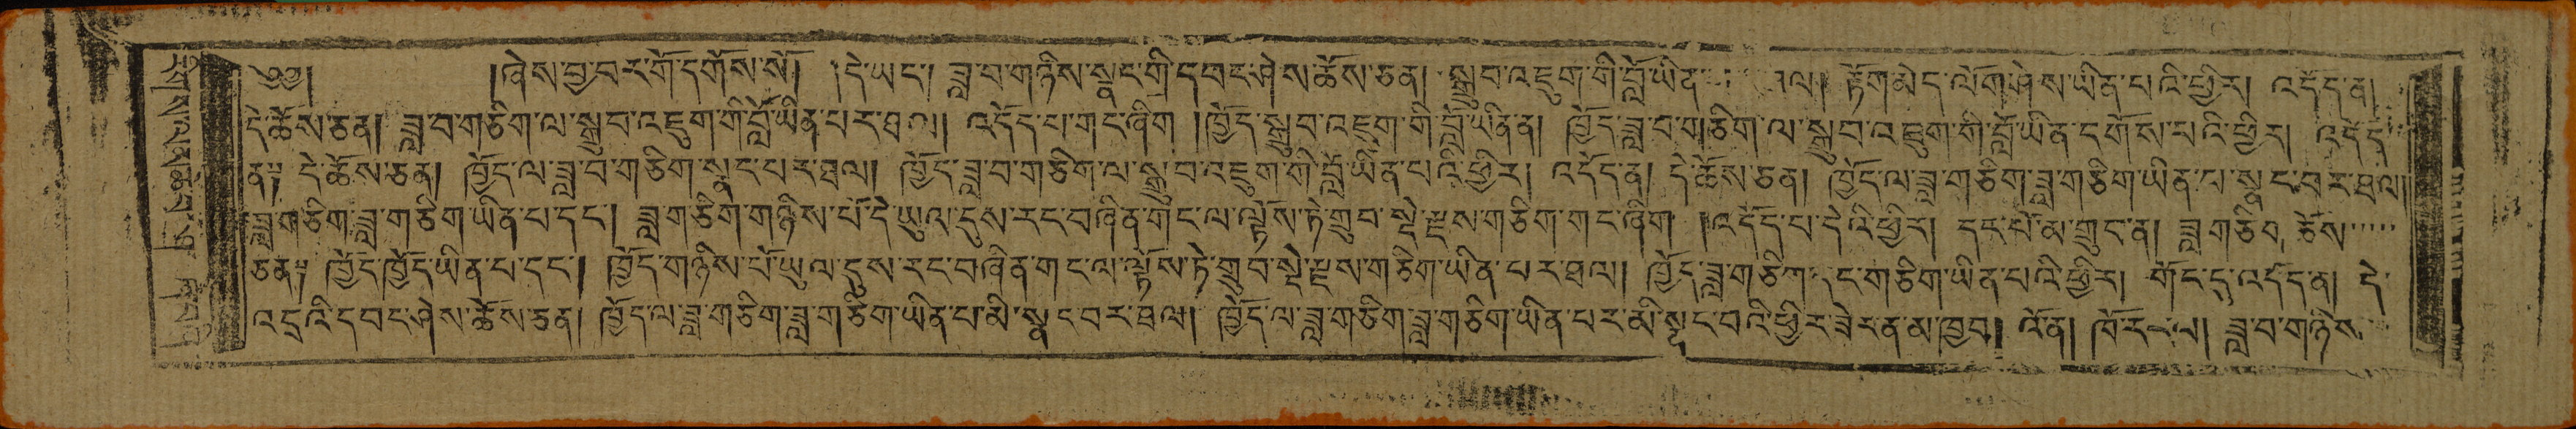༄༅། །ཞེས་བྱ་བར་གོ་དགོས་སོ། །དེ་ཡང་། ཟླ་བ་གཉིས་སྣང་གི་དབང་ཤེས་ཆོས་ཅན། སྒྲུབ་འཇུག་གི་བློ་ཡིན་པར་ཐལ། རྟོག་མེད་ལོག་ཤེས་ཡིན་པའི་ཕྱིར། འདོད་ན།
དེ་ཆོས་ཅན། ཟླ་བ་གཅིག་ལ་སྒྲུབ་འཇུག་གི་བློ་ཡིན་པར་ཐལ། འདོད་པ་གང་ཞིག །ཁྱོད་སྒྲུབ་འཇུག་གི་བློ་ཡིན་ན། ཁྱོད་ཟླ་བ་གཅིག་ལ་སྒྲུབ་འཇུག་གི་བློ་ཡིན་དགོས་པའི་ཕྱིར། འདོད་
ན༑ དེ་ཆོས་ཅན། ཁྱོད་ལ་ཟླ་བ་གཅིག་སྣང་པར་ཐལ། ཁྱོད་ཟླ་བ་གཅིག་ལ་སྒྲུབ་འཇུག་གི་བློ་ཡིན་པའི་ཕྱིར། འདོད་ན། དེ་ཆོས་ཅན། ཁྱོད་ལ་ཟླ་གཅིག་ཟླ་གཅིག་ཡིན་པ་སྣང་བར་ཐལ།
ཟླ་གཅིག་ཟླ་གཅིག་ཡིན་པ་དང་། ཟླ་གཅིག་གཉིས་པོ་དེ་ཡུལ་དུས་རང་བཞིན་གང་ལ་ལྟོས་ཏེ་གྲུབ་སྡེ་རྫས་གཅིག་གང་ཞིག །འདོད་པ་དེའི་ཕྱིར། དང་པོ་མ་གྲུབ་ན། ཟླ་གཅིག་ཆོས་
ཅན༑ ཁྱོད་ཁྱོད་ཡིན་པ་དང་། ཁྱོད་གཉིས་པོ་ཡུལ་དུས་རང་བཞིན་གང་ལ་ལྟོས་ཏེ་གྲུབ་སྡེ་རྫས་གཅིག་ཡིན་པར་ཐལ། ཁྱོད་ཟླ་གཅིག་ཡིན་པའི་ཕྱིར། གོང་དུ་འདོད་ན། དེ་
འདྲའི་དབང་ཤེས་ཆོས་ཅན། ཁྱོད་ལ་ཟླ་གཅིག་ཟླ་གཅིག་ཡིན་པ་མི་སྣང་བར་ཐལ། ཁྱོད་ལ་ཟླ་གཅིག་ཟླ་གཅིག་ཡིན་པར་མི་སྣང་བའི་ཕྱིར་ཟེར་ན་མ་ཁྱབ། འོ་ན། ཁོ་རང་ལ། ཟླ་བ་གཉིས་